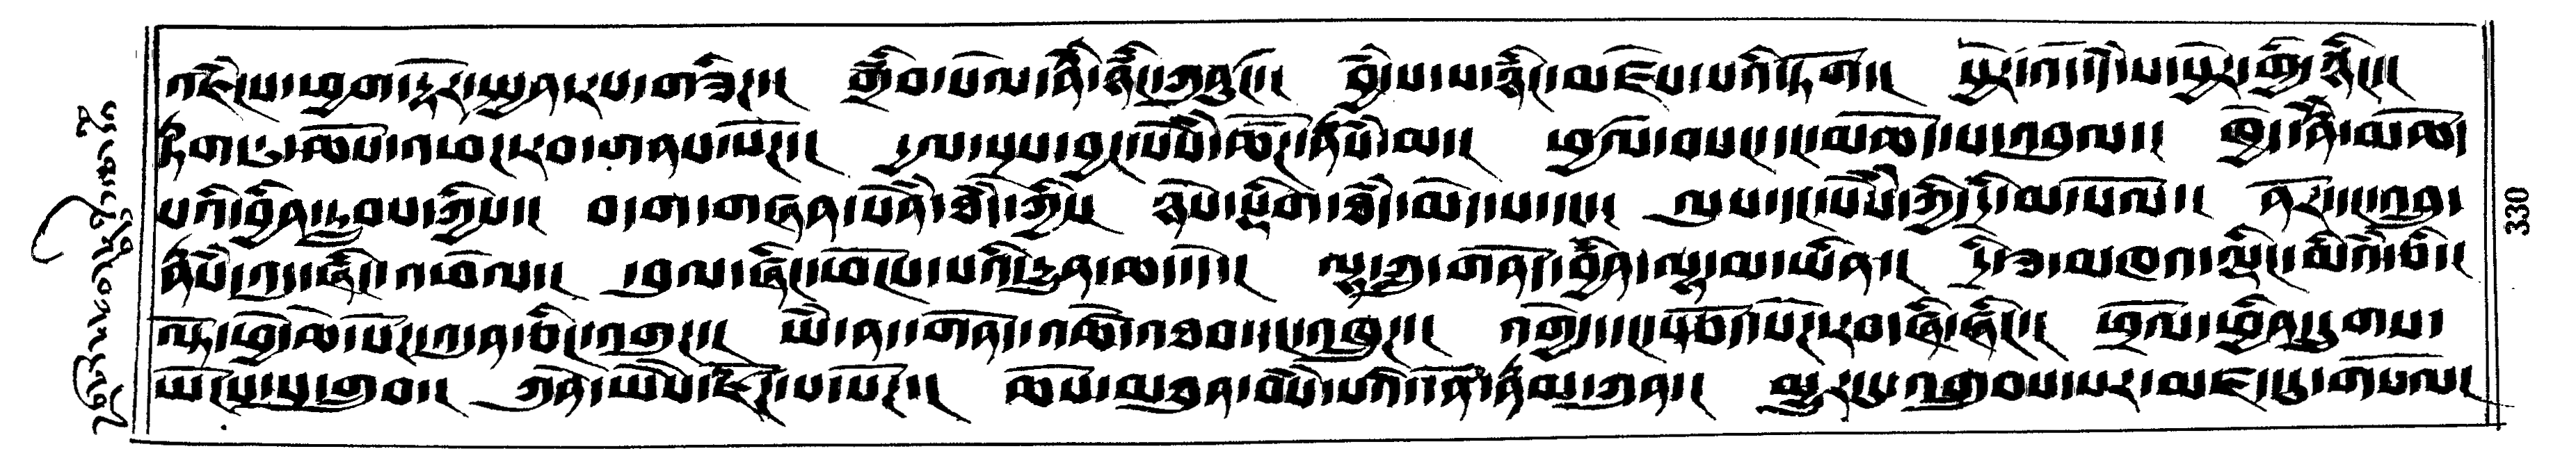འཇམ་དབྱངས་ཕྱག་རྡོར་སྤྱན་རས་གཟིགས། །སྒྲིབ་སེལ་ནམ་སྙིང་ཀུན་ཏུ་བཟང་། །བྱམས་པས་སྙིང་མཛེས་པའི་ཏོག། །གསེར་འོད་དམ་པ་གསེར་གྱི་སྙིང་། །
རྟག་ངུ་ཆོས་འཕགས་རབ་གནས་སོགས། །རྒྱལ་སྲས་བྱང་སེམས་ཚོགས་རྣམས་ལ། །ཕྱག་འཚལ་བསང་དང་མཆོད་པ་འབུལ། །ཁྱེད་རྣམས་མཆོག་
པའི་བྱིན་རླབས་ཀྱི། །བདག་གཞན་སེམས་ཅན་ཐམས་ཅད་ཀྱིས། །ཉེས་སྡིག་ཐམས་ཅད་མེད་པ་དང་། །ལུས་དང་སེམས་ཀྱི་དྲི་མ་སོལ། །ནོར་དང་འབྲུ་
རྣམས་འདུ་ཞིང་འཕེལ། །དབུལ་ཞིང་ཕོངས་པའི་རྒྱུན་ཆད་དེ། །ལྷ་ཀླུ་གནོད་སྦྱིན་ལྷ་མ་ཡིན། །དྲི་ཟ་མཁའ་ལྡིང་མིའམ་ཅི། །
ལྟོ་ཕྱེ་ཆེ་སོགས་འདུན་ཅིང་འགུགས། ཡམས་ནད་གནོད་འཚེ་འཐབ་དང་འཁྲུགས། །འགྱེད་དང་རྩོད་སོགས་རབ་ཞི་ཞིང་། །ཕ་རོལ་ཕྱིན་དྲུག་
ཡོངས་སུ་གྲུབ། །ཀུན་མཁྱེན་ཡེ་ཤེས་རྫོགས་པ་སོགས། །ཆོས་མཐུན་བསམ་པའི་དོན་རྣམས་ཀུན། །མྱུར་དུ་འགྲུབ་པར་མཛད་དུ་གསོལ།།